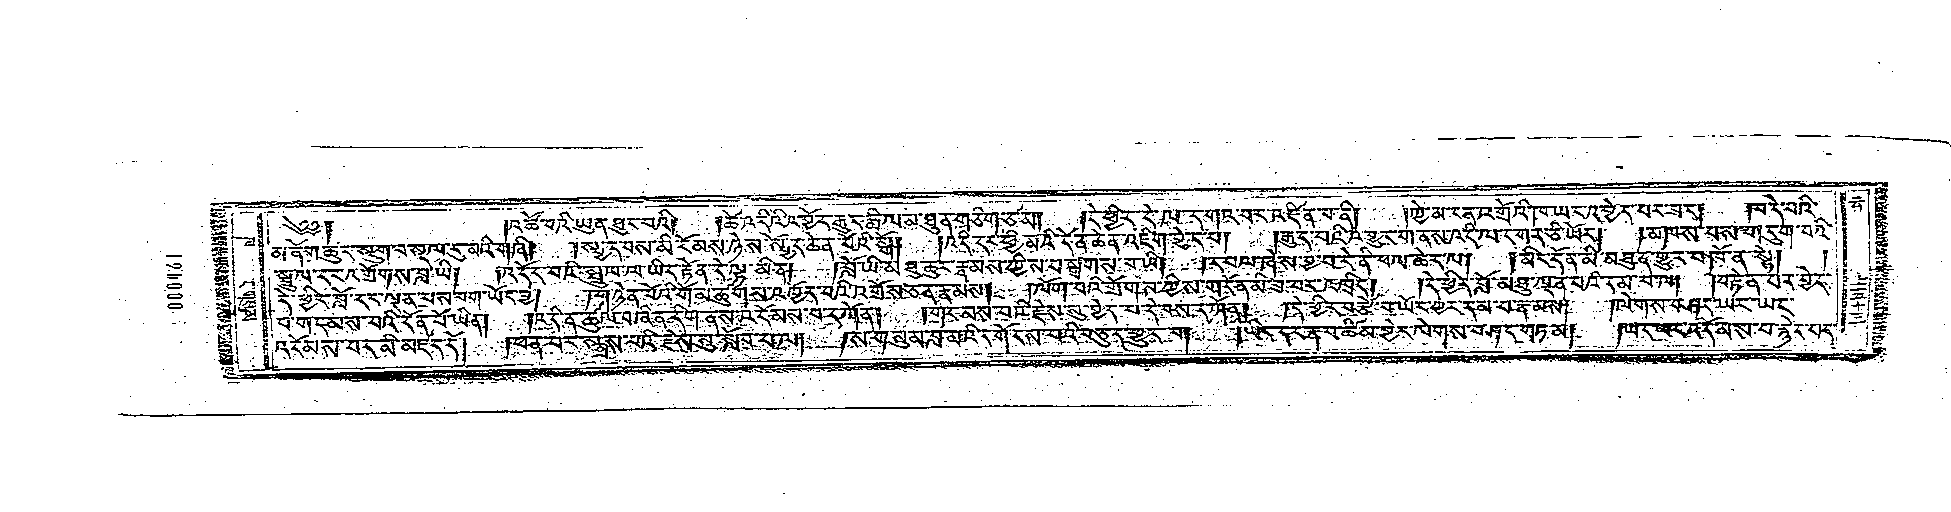༄༅། །འཚོ་བའི་ཡུན་ཐུང་བའི། །ཚེ་འདིའི་འབྱོར་རྒུད་རྨི་ལམ་ཐུན་གཅིག་ཙམ། །དེ་ཕྱིར་དེ་ལ་དགའ་བར་འཛིན་པ་ནི། །ཀྱེ་མ་ངན་འགྲོའི་ཁ་ཡང་འབྱེད་པར་ཟད། བདེ་བའི་
མ་ནག་ཆུང་སྡུག་བསྔལ་དུ་མའི་གཞི། །སྤྱད་བས་མི་ངོམས་ཉེས་སྤྱོད་ཆེན་པོའི་སྒོ། །འདི་དང་ཕྱི་མའི་དོན་ཆེན་འཇིག་བྱེད་པ། །རྒུད་པའི་འབྱུང་གནས་འདི་ལ་དགར་ཅི་ཡོད། །མཁས་པས་གདག་པའི་
སྦྲུལ་དང་འགྲོགས་བླ་ཡི། །འདོད་པའི་སྤྲུལ་ལ་ཡིད་རྟོན་དེ་ལྟ་མིན། །བློ་ཡི་མཐུ་ཆུང་རྣམས་ཀྱིས་བསྒྲགས་པ་ཡི། །དཔལ་ཞེས་བྱ་བ་དེ་ནི་ཕལ་ཆེར་ལ། །མིང་དོན་མི་མཐུན་གྱུར་པ་ཁོ་ན་སྟེ། །
དེ་ཕྱིར་བློ་དང་ལྡན་པས་བག་ཡོང་བྱ། །གཉེན་པོའི་གོམ་ཚུགས་འཁྱོར་བའི་འགྲོས་ཅན་རྣམས། །ལོག་པའི་གྲོགས་ཀྱིས་གདོན་མི་ཟ་བར་འཁྲིད། །དེ་ཕྱིར་བློ་མཐུ་ལྡན་པའི་དམ་པ་ལ། །བརྟེན་པར་བྱེད་
པ་གདམས་པའི་དོན་པོ་ཡིན། །འདི་ན་ཚུལ་བཞིན་རིག་ནས་འདོམས་པ་དཀོན། །གདམས་པའི་རྗེས་སུ་བྱེད་པ་དེ་བས་དཀོན། །དེ་ཕྱིར་བརྩེ་བ་ཡོད་ཀྱང་དམ་པ་རྣམས། །ལེགས་བཤད་ཡང་ཡང་
འྔོམས་བར་མི་མཛད་དོ། །ཕན་པར་སྨྲས་པའི་རྗེས་སུ་སློབ་པ་ལ། །ས་གསུམ་བླ་མའི་དགོངས་བའི་བཅུད་གྱུར་བ། །ཡིད་དང་རྣ་བ་ཚིམ་བྱེད་ལེགས་བཤད་གཏམ། །ཡང་ཡང་འདོམས་བ་རྙེད་པར་